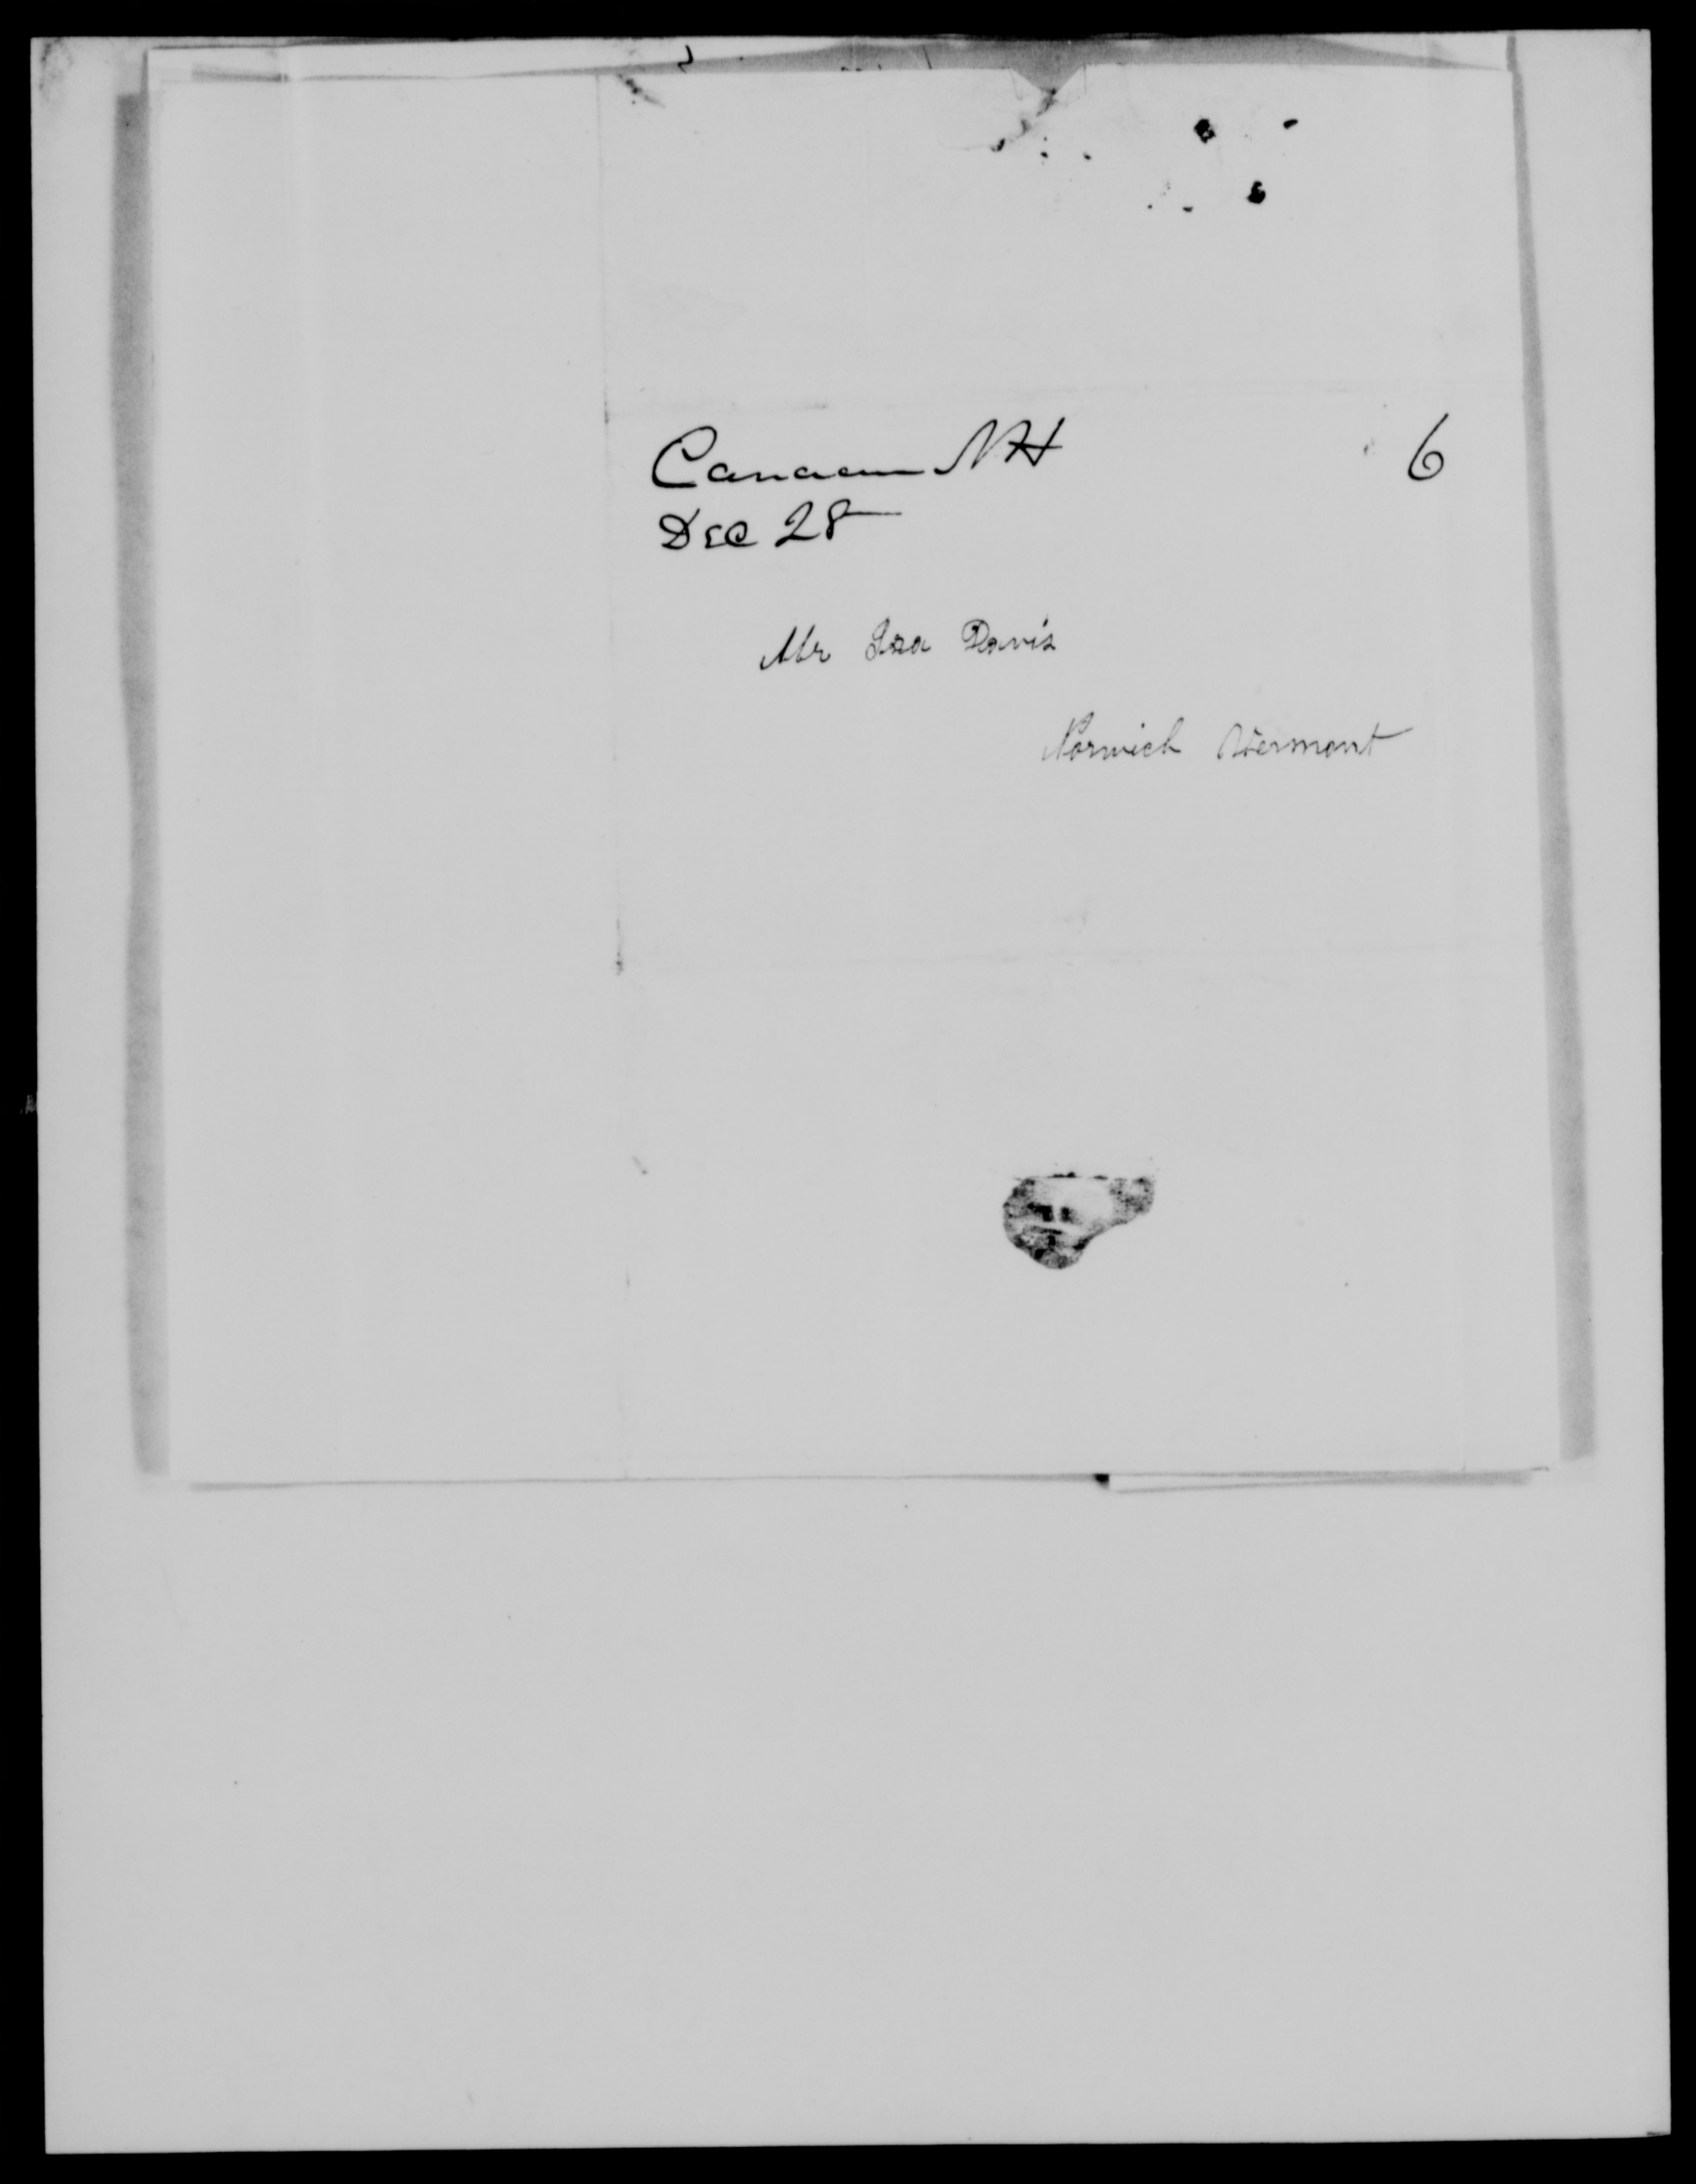Canaan NH 6
Dec 28

Mr Ira Davis 

Norwich Vermont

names: Ira Davis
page: 20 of 40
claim: widow's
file: W. 18,426, Abel Wilder, Mass. N.H. Vt.